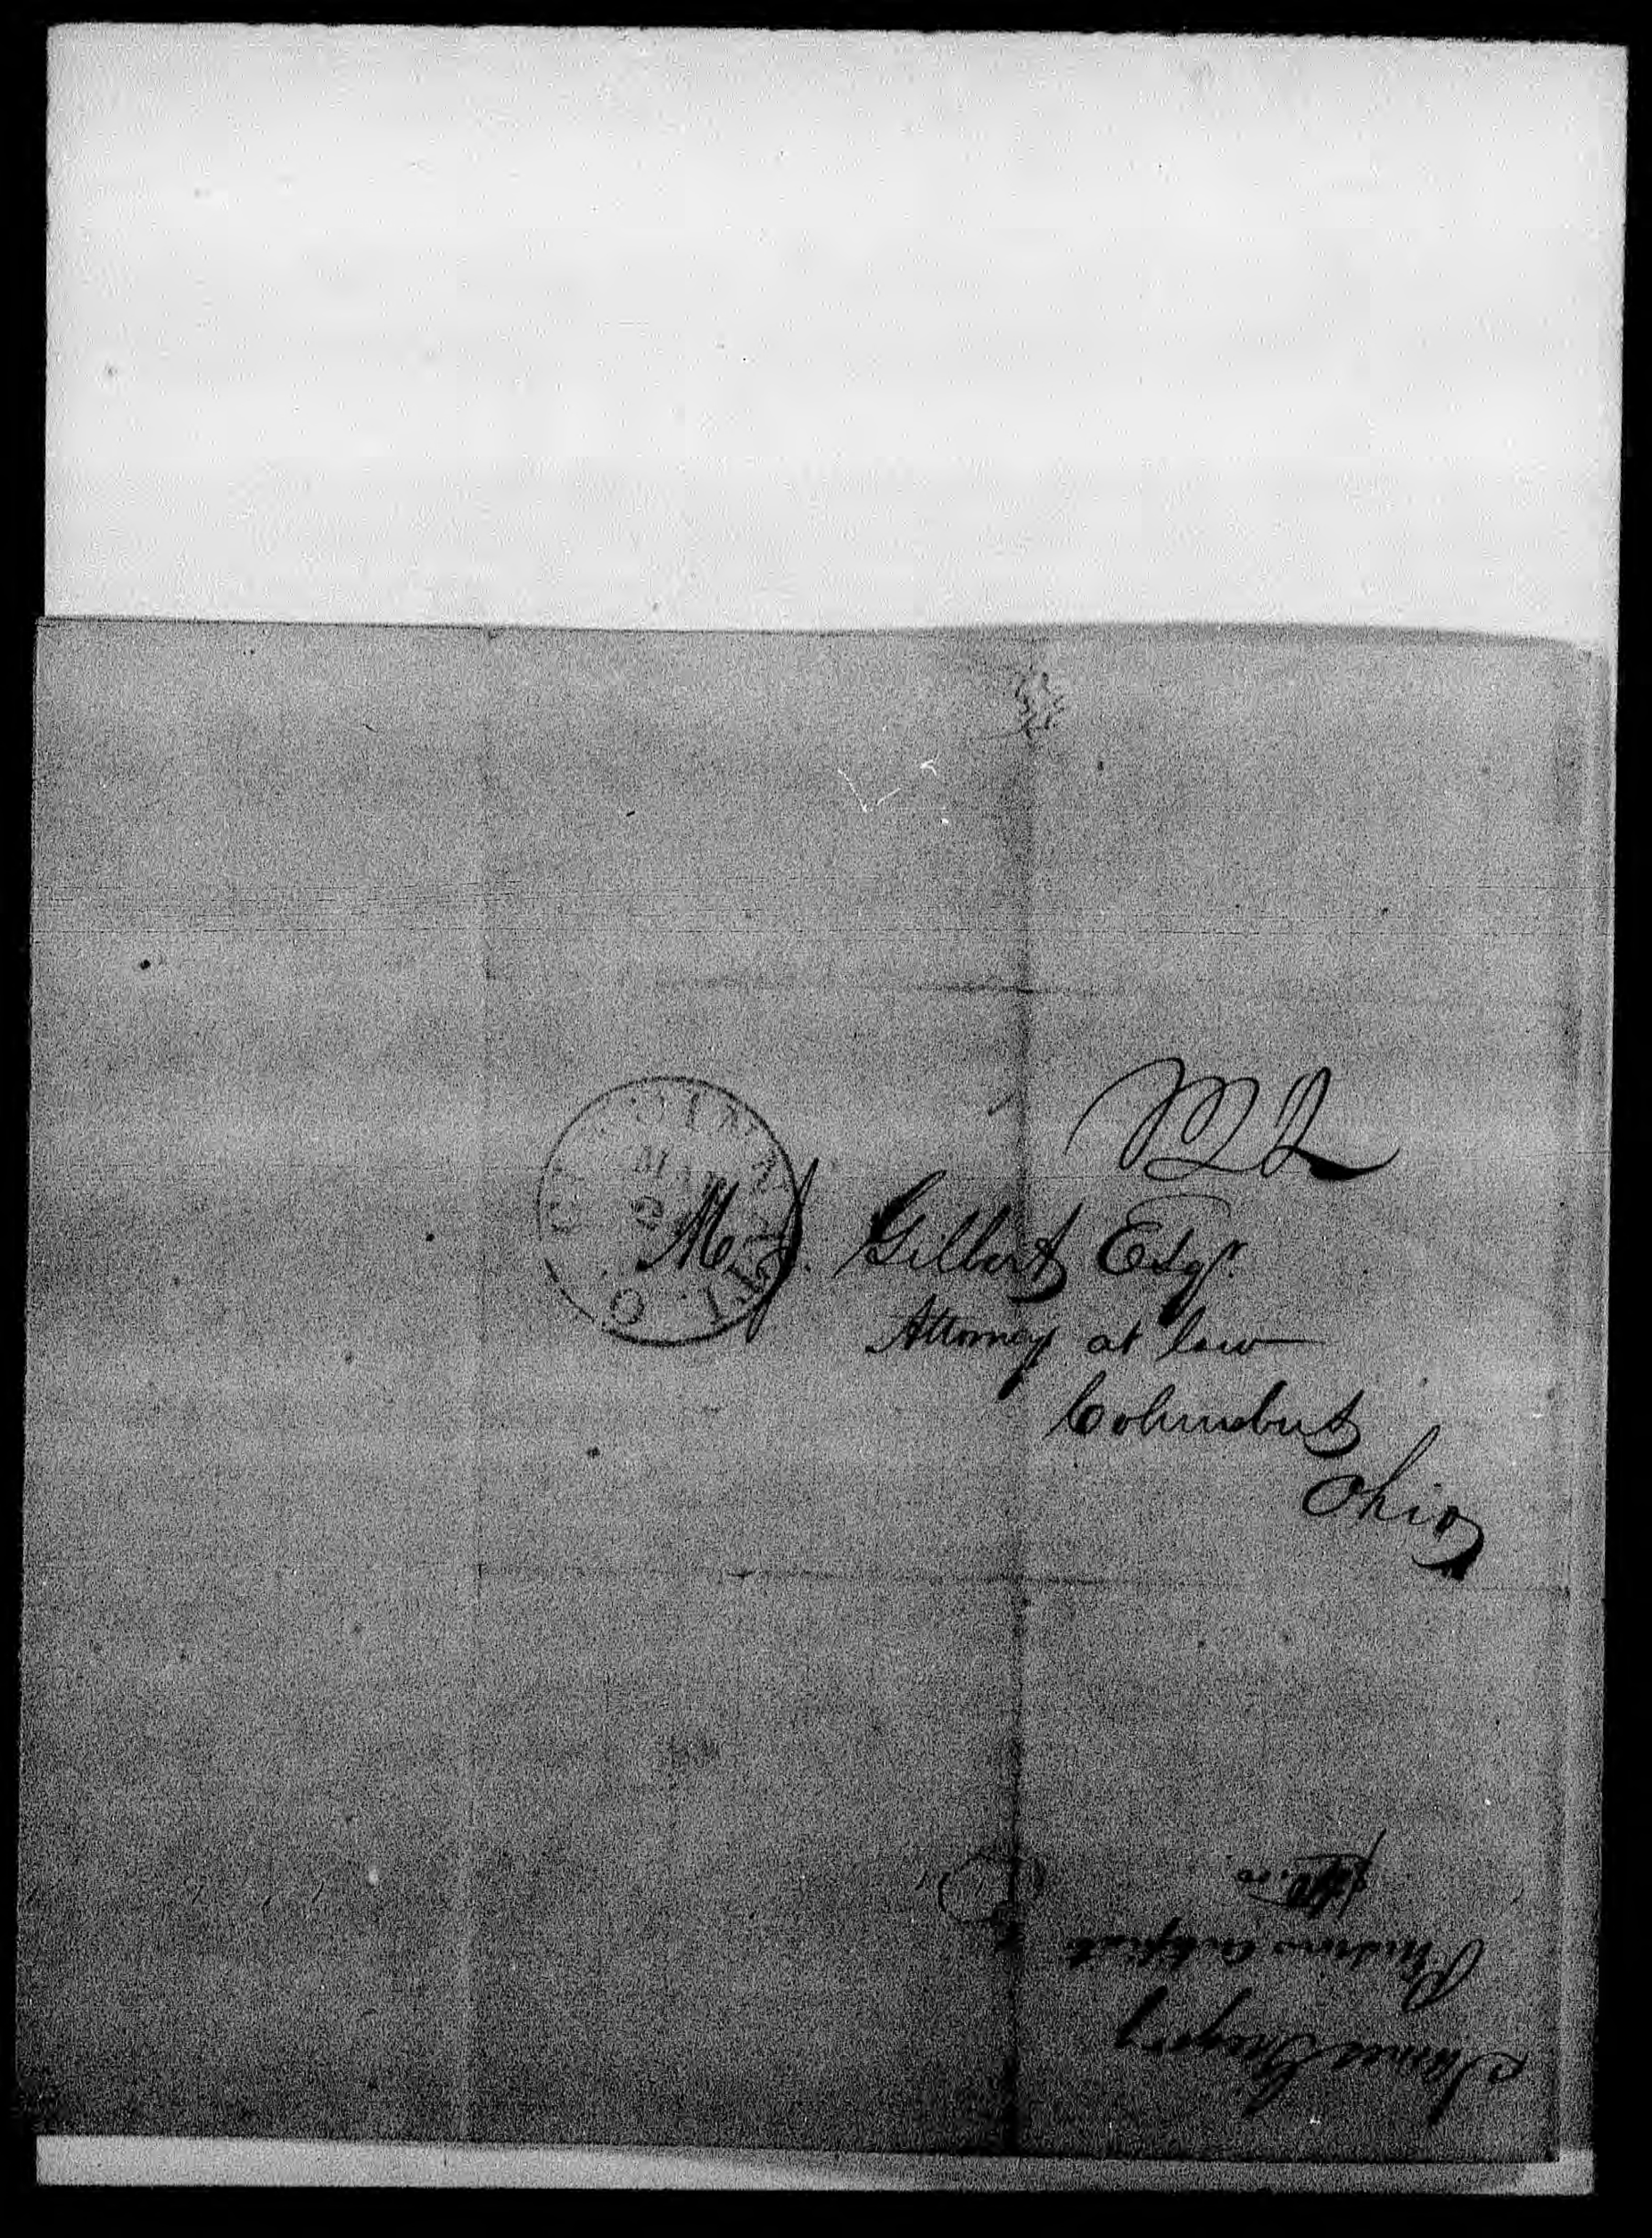M. J. Gilbert Esq.
Attorney at law
Columbus
Ohio


James Gregory
Pensions certificate
$40.00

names: J Gilbert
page: 17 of 27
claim: survivor's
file: S. 17445, James Gregory, Conn.